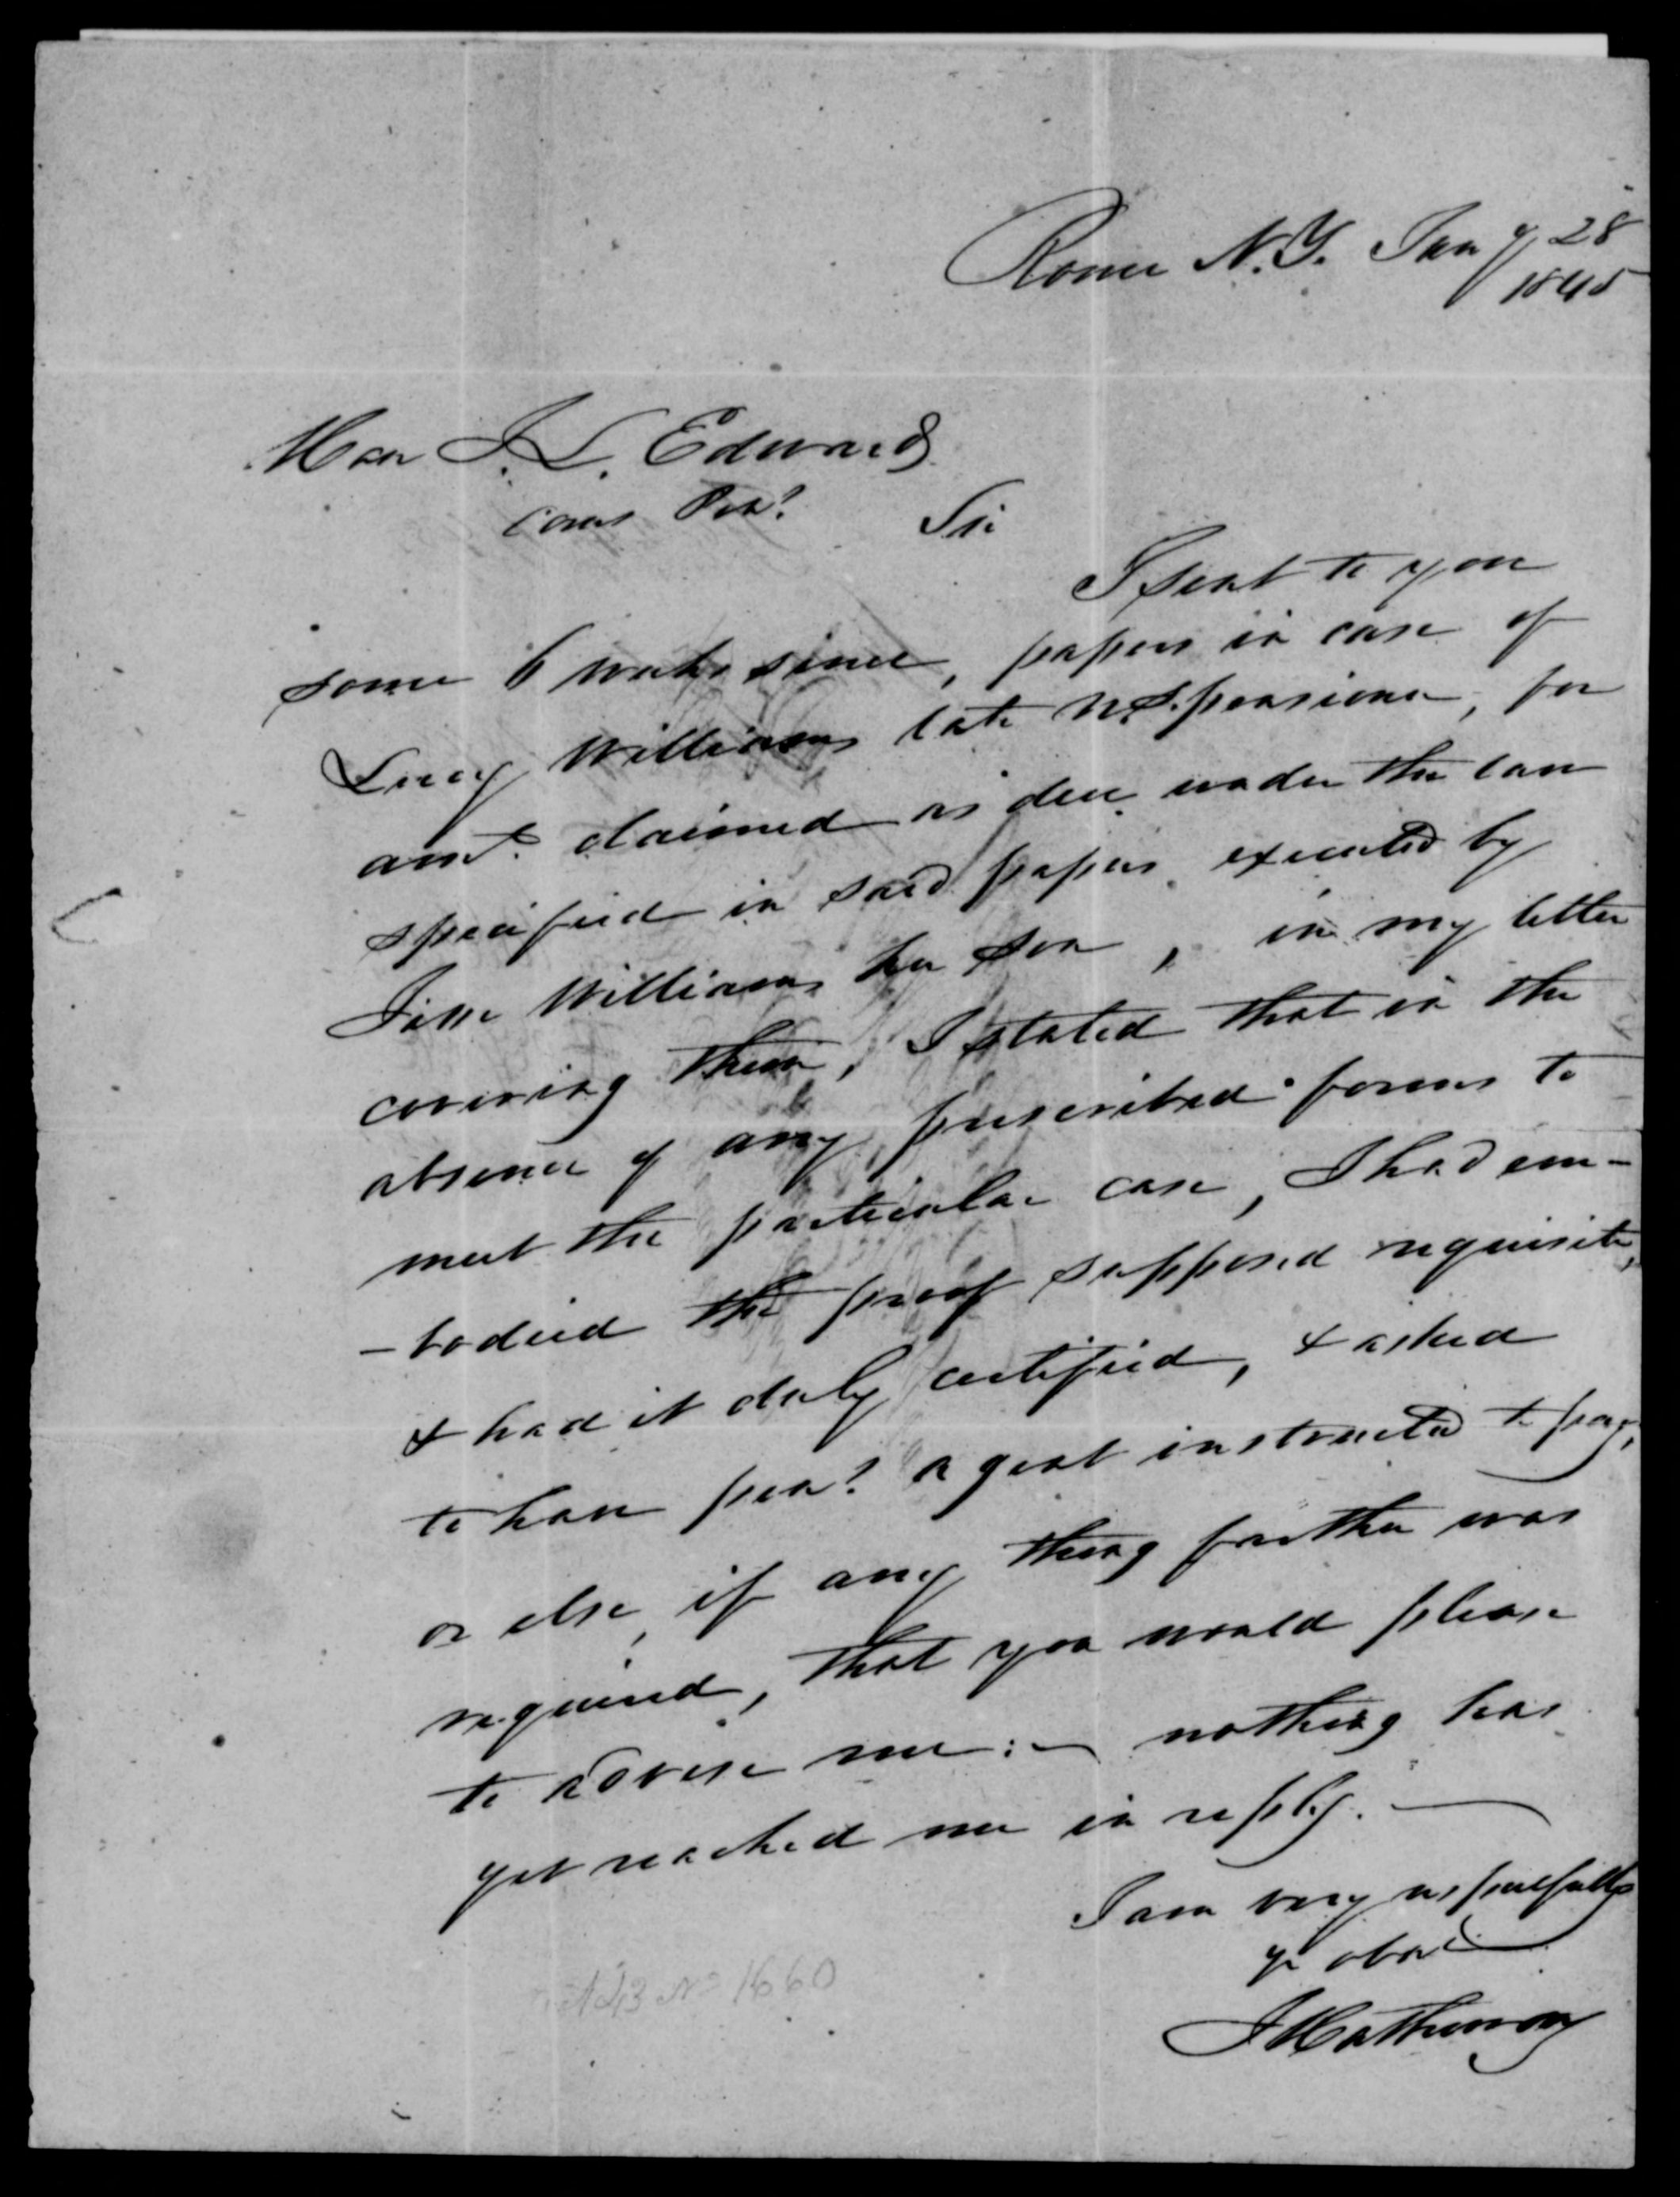Rome N. Y.  Jany 28 1845

Hon J. L. Edward Cons Pos. 
Sir
I sent to you some 6 months since, papers in case of Lucy Williams late Ms. pensioner for amt. claimed in Dec under the case specified in said papers, executed by Jim Williams her son, in my better cosining them. I stated that in the absence of any prescribed forms to meet the particular case, I had embodied the proof supposed requisition & have it duly certified & asked to have seen a great instrument to pay or else if any thing further was required, that you would please to notise same. nothing has yet reached me in reply.
I am very respectrully ye abed J. Hathaway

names: Jane Williams, J Hatheway, Lucy Williams, J L Edwards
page: 31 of 63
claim: widow's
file: W. 22,632, David Williams, Conn. Continental Privateer